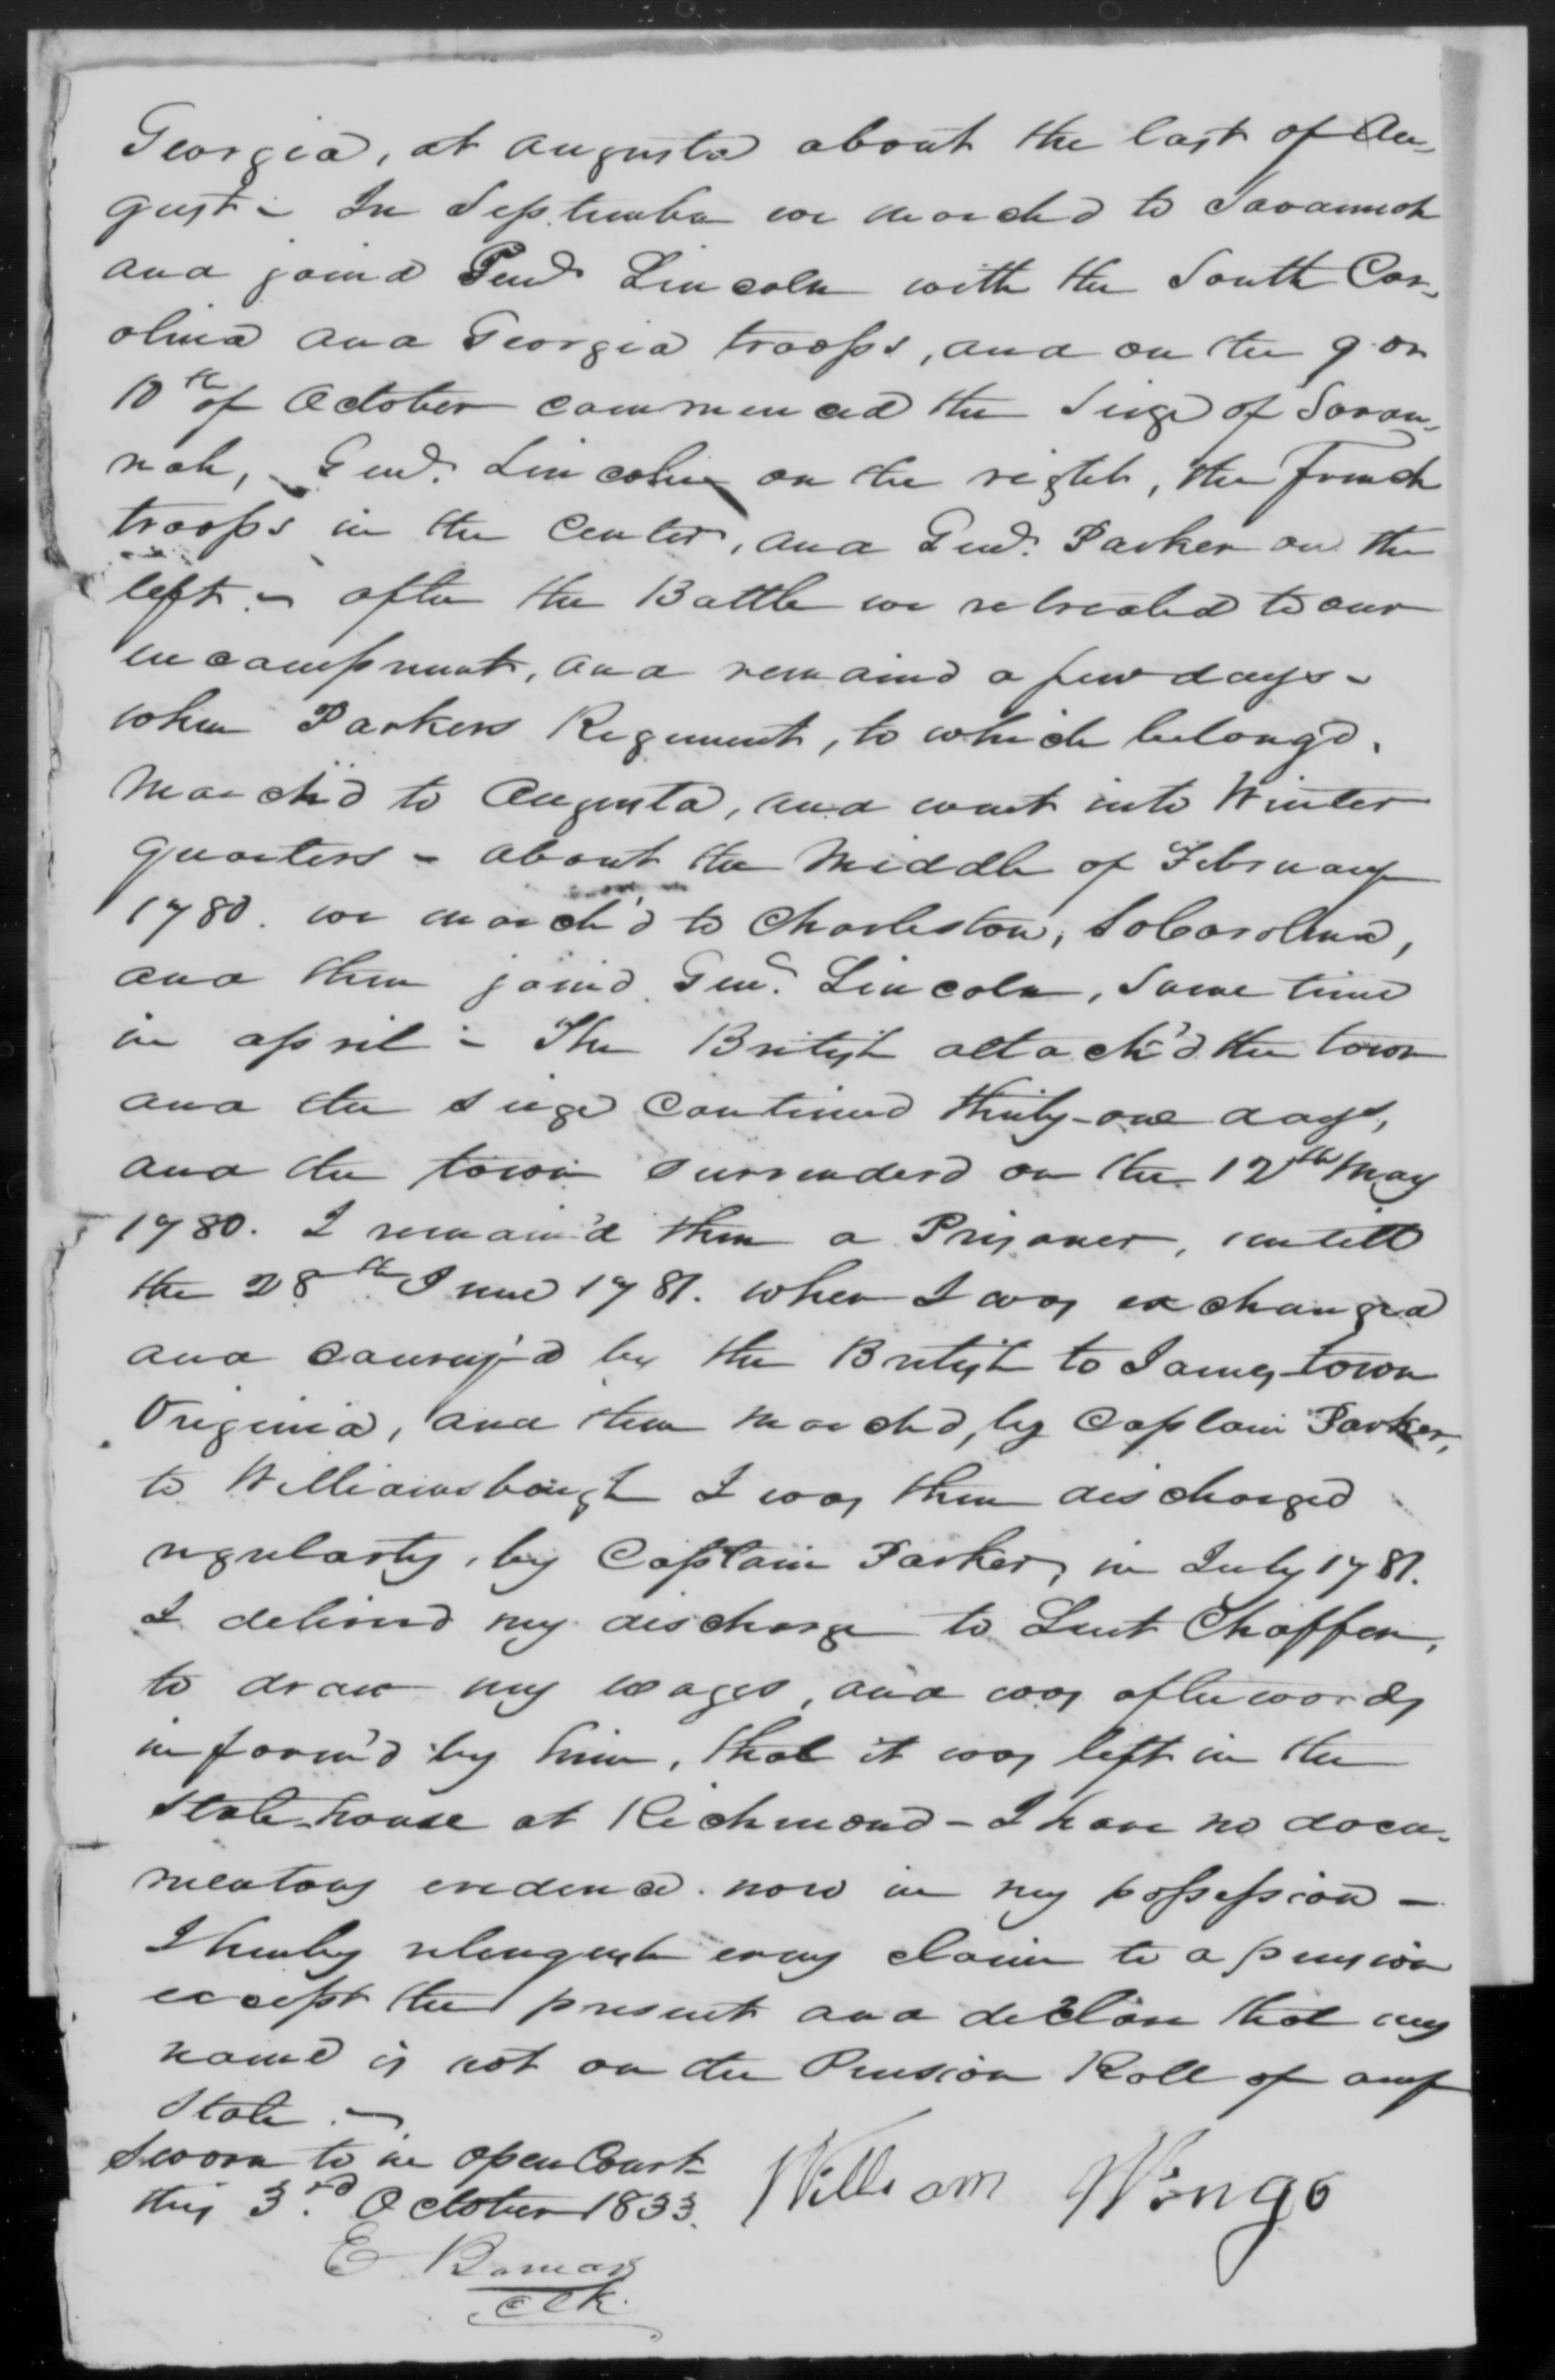Georgia, at augusta about the last of August In September we marchd to Savannah and joind Genl Lincoln with the South Carolina and Georgia troops, and on the 9 or 10th of October commanded the Siege of Savannah, Genl Lincoln on the right, the french troops in the center, and Gnl Parker on the left after teh Battle we retreated to our encampment, and remained a few days when Parkers Regiment to which belongd marched to Augusta and wait into Winter quarters about the middle of February 1780 we march'd to Charleston, SoCarolina, and then joind Genl Lincoln, some time in april The British attack'd the town and the siege continued thirty one days and the won surrendered on the 12th May 1780. I remain'd then a Prisoner untill the 28th Jun 1781 when I was exchanged and [illegible] by the British to Jamestown Virginia, and then marchd, by Captain Parker, to Wiliams burgh I ws then discharged regularly by Captain Parker in July 1781. I delivered my discharge to Leut Chaffen to draw my wages and was ? inform'd by him that it was left in the state house at Richmond I have no documentary evidence now in my possession I here by relinquish every claim to a pension except the present and declare that my name is not on the Pension Roll of any state
Sworn to in open court the 3rd October 1833 William Wingo E Bomar Clk.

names: E Bomar, William Wingo, Chaffen, Parker, Lincoln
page: 5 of 19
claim: survivor's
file: S. 7,896, William Wingo, Va.